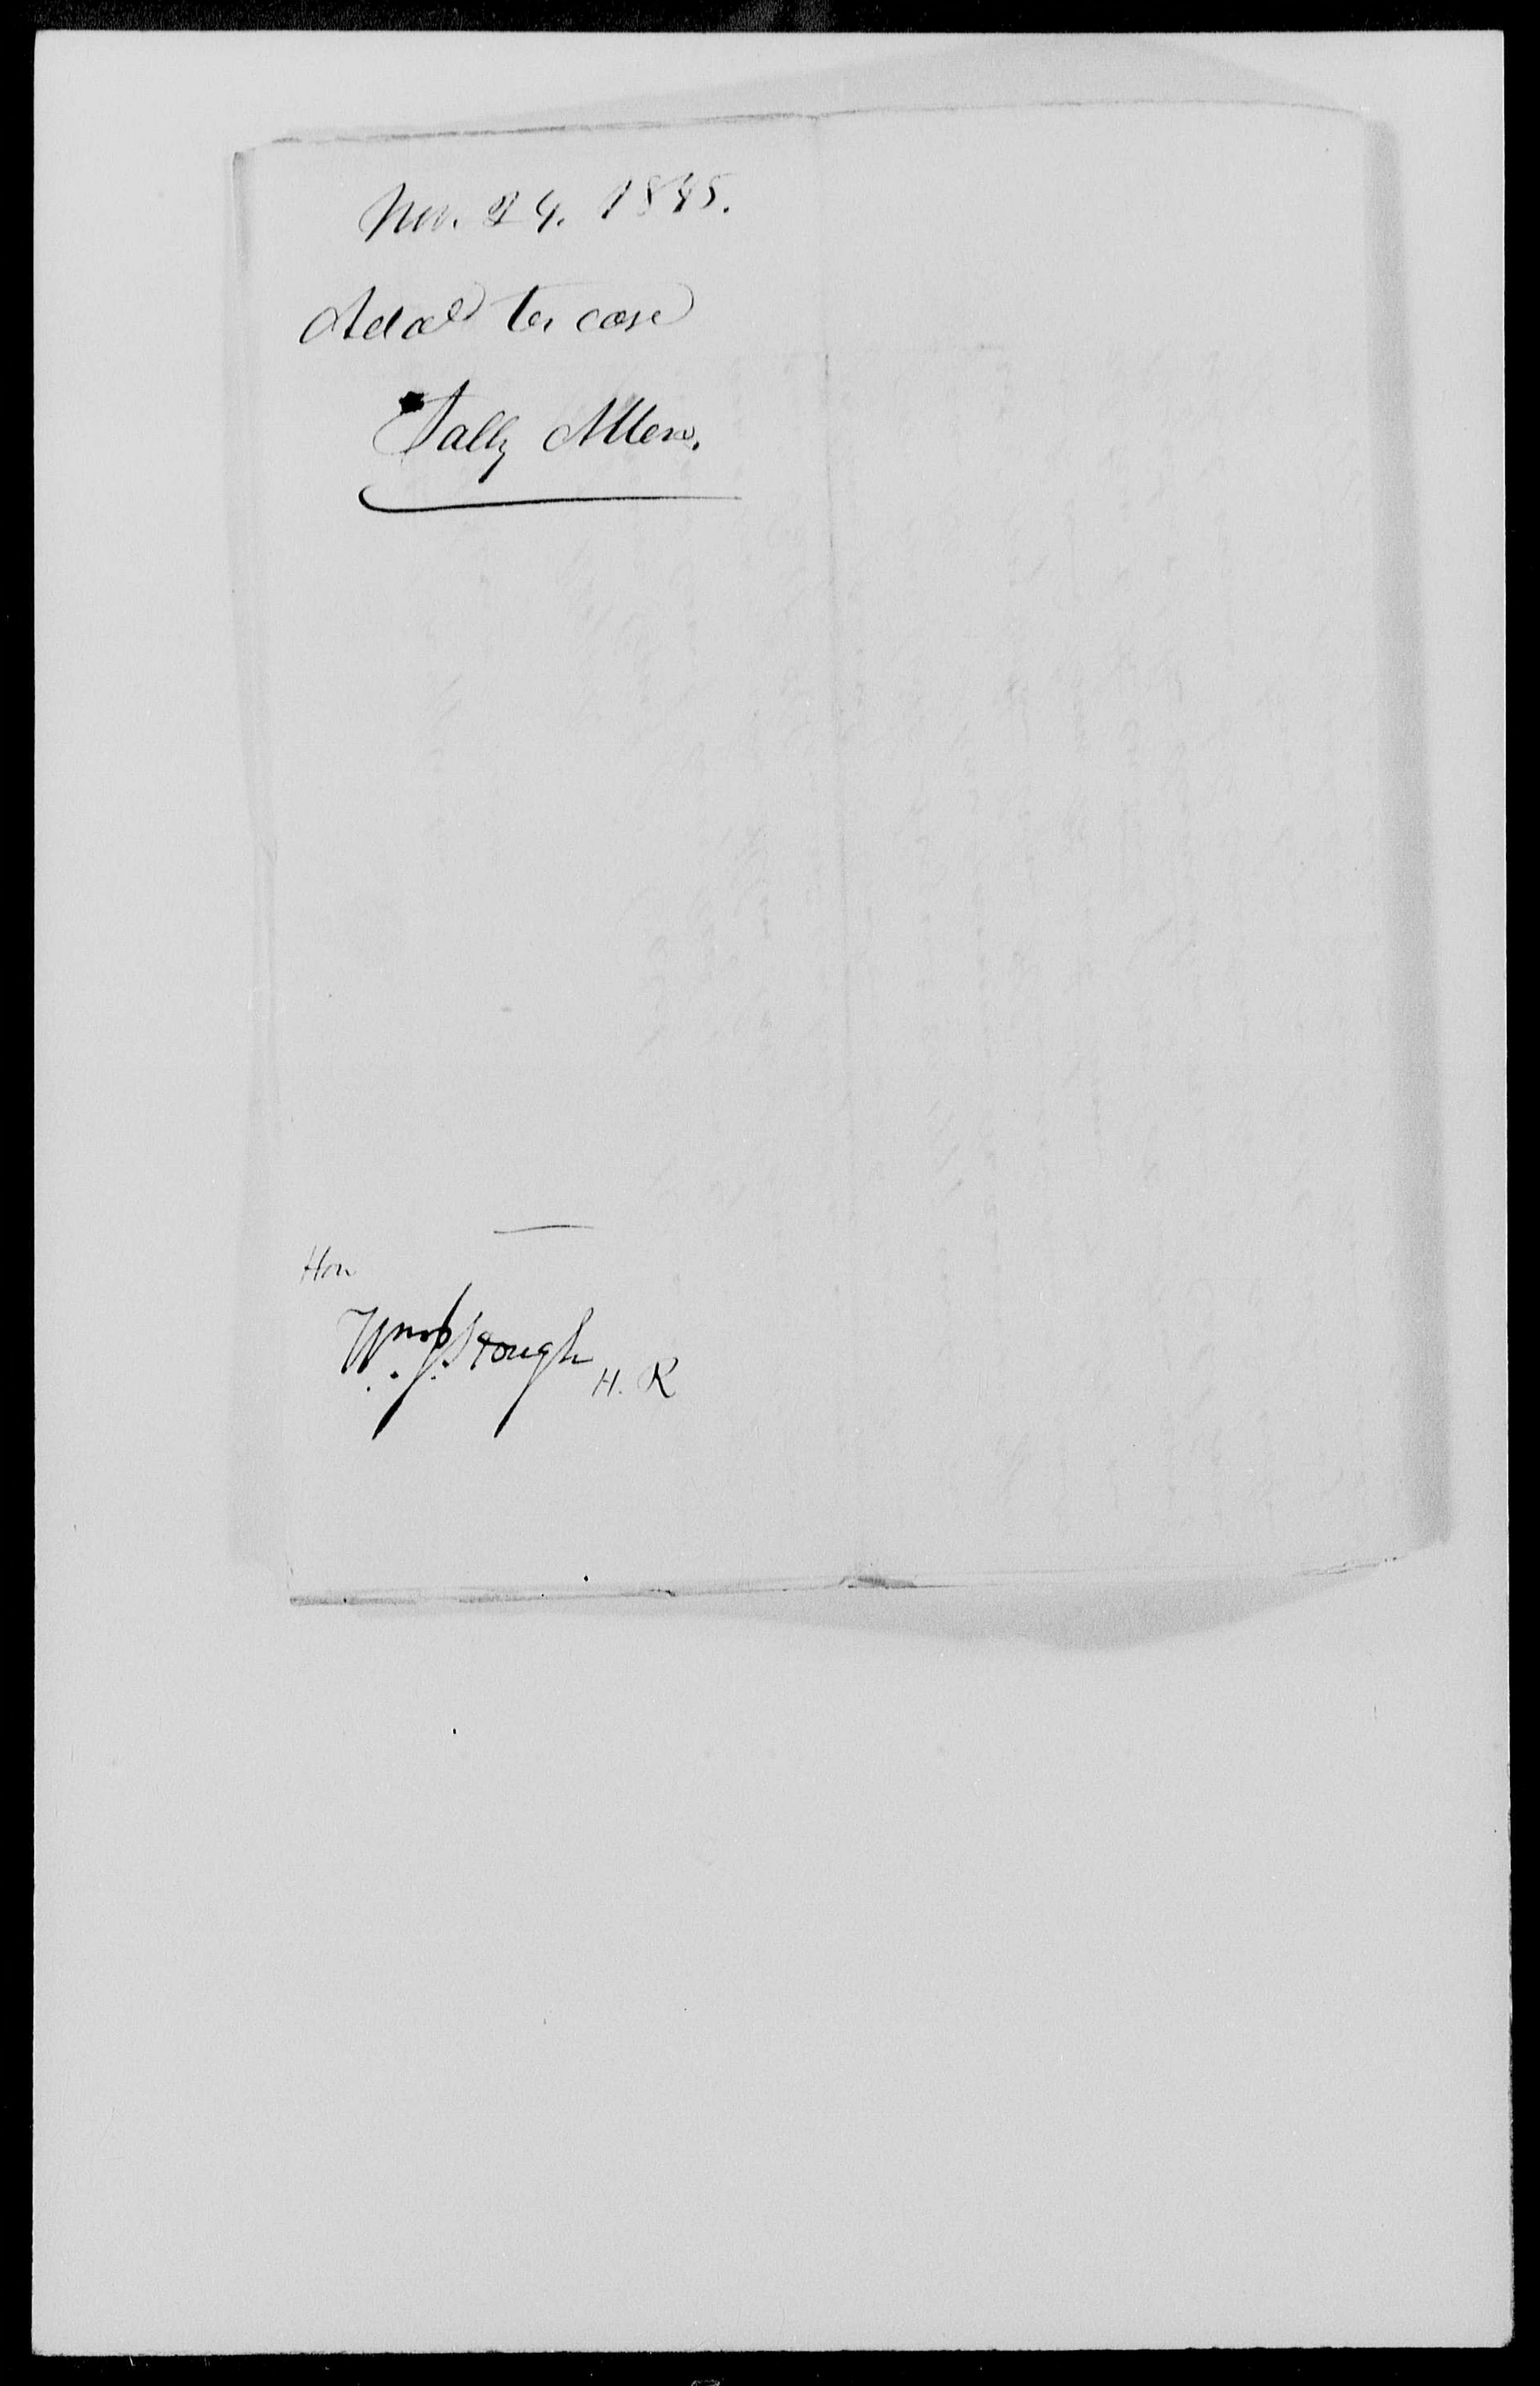Nov. 24, 1875.
Addl to case
Sally Allen.


Hon
Wm J. Hough
H.R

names: Sally Allen, Wm J Hough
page: 21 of 74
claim: widow's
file: W. 23424, John Allen, Mass. R. I.